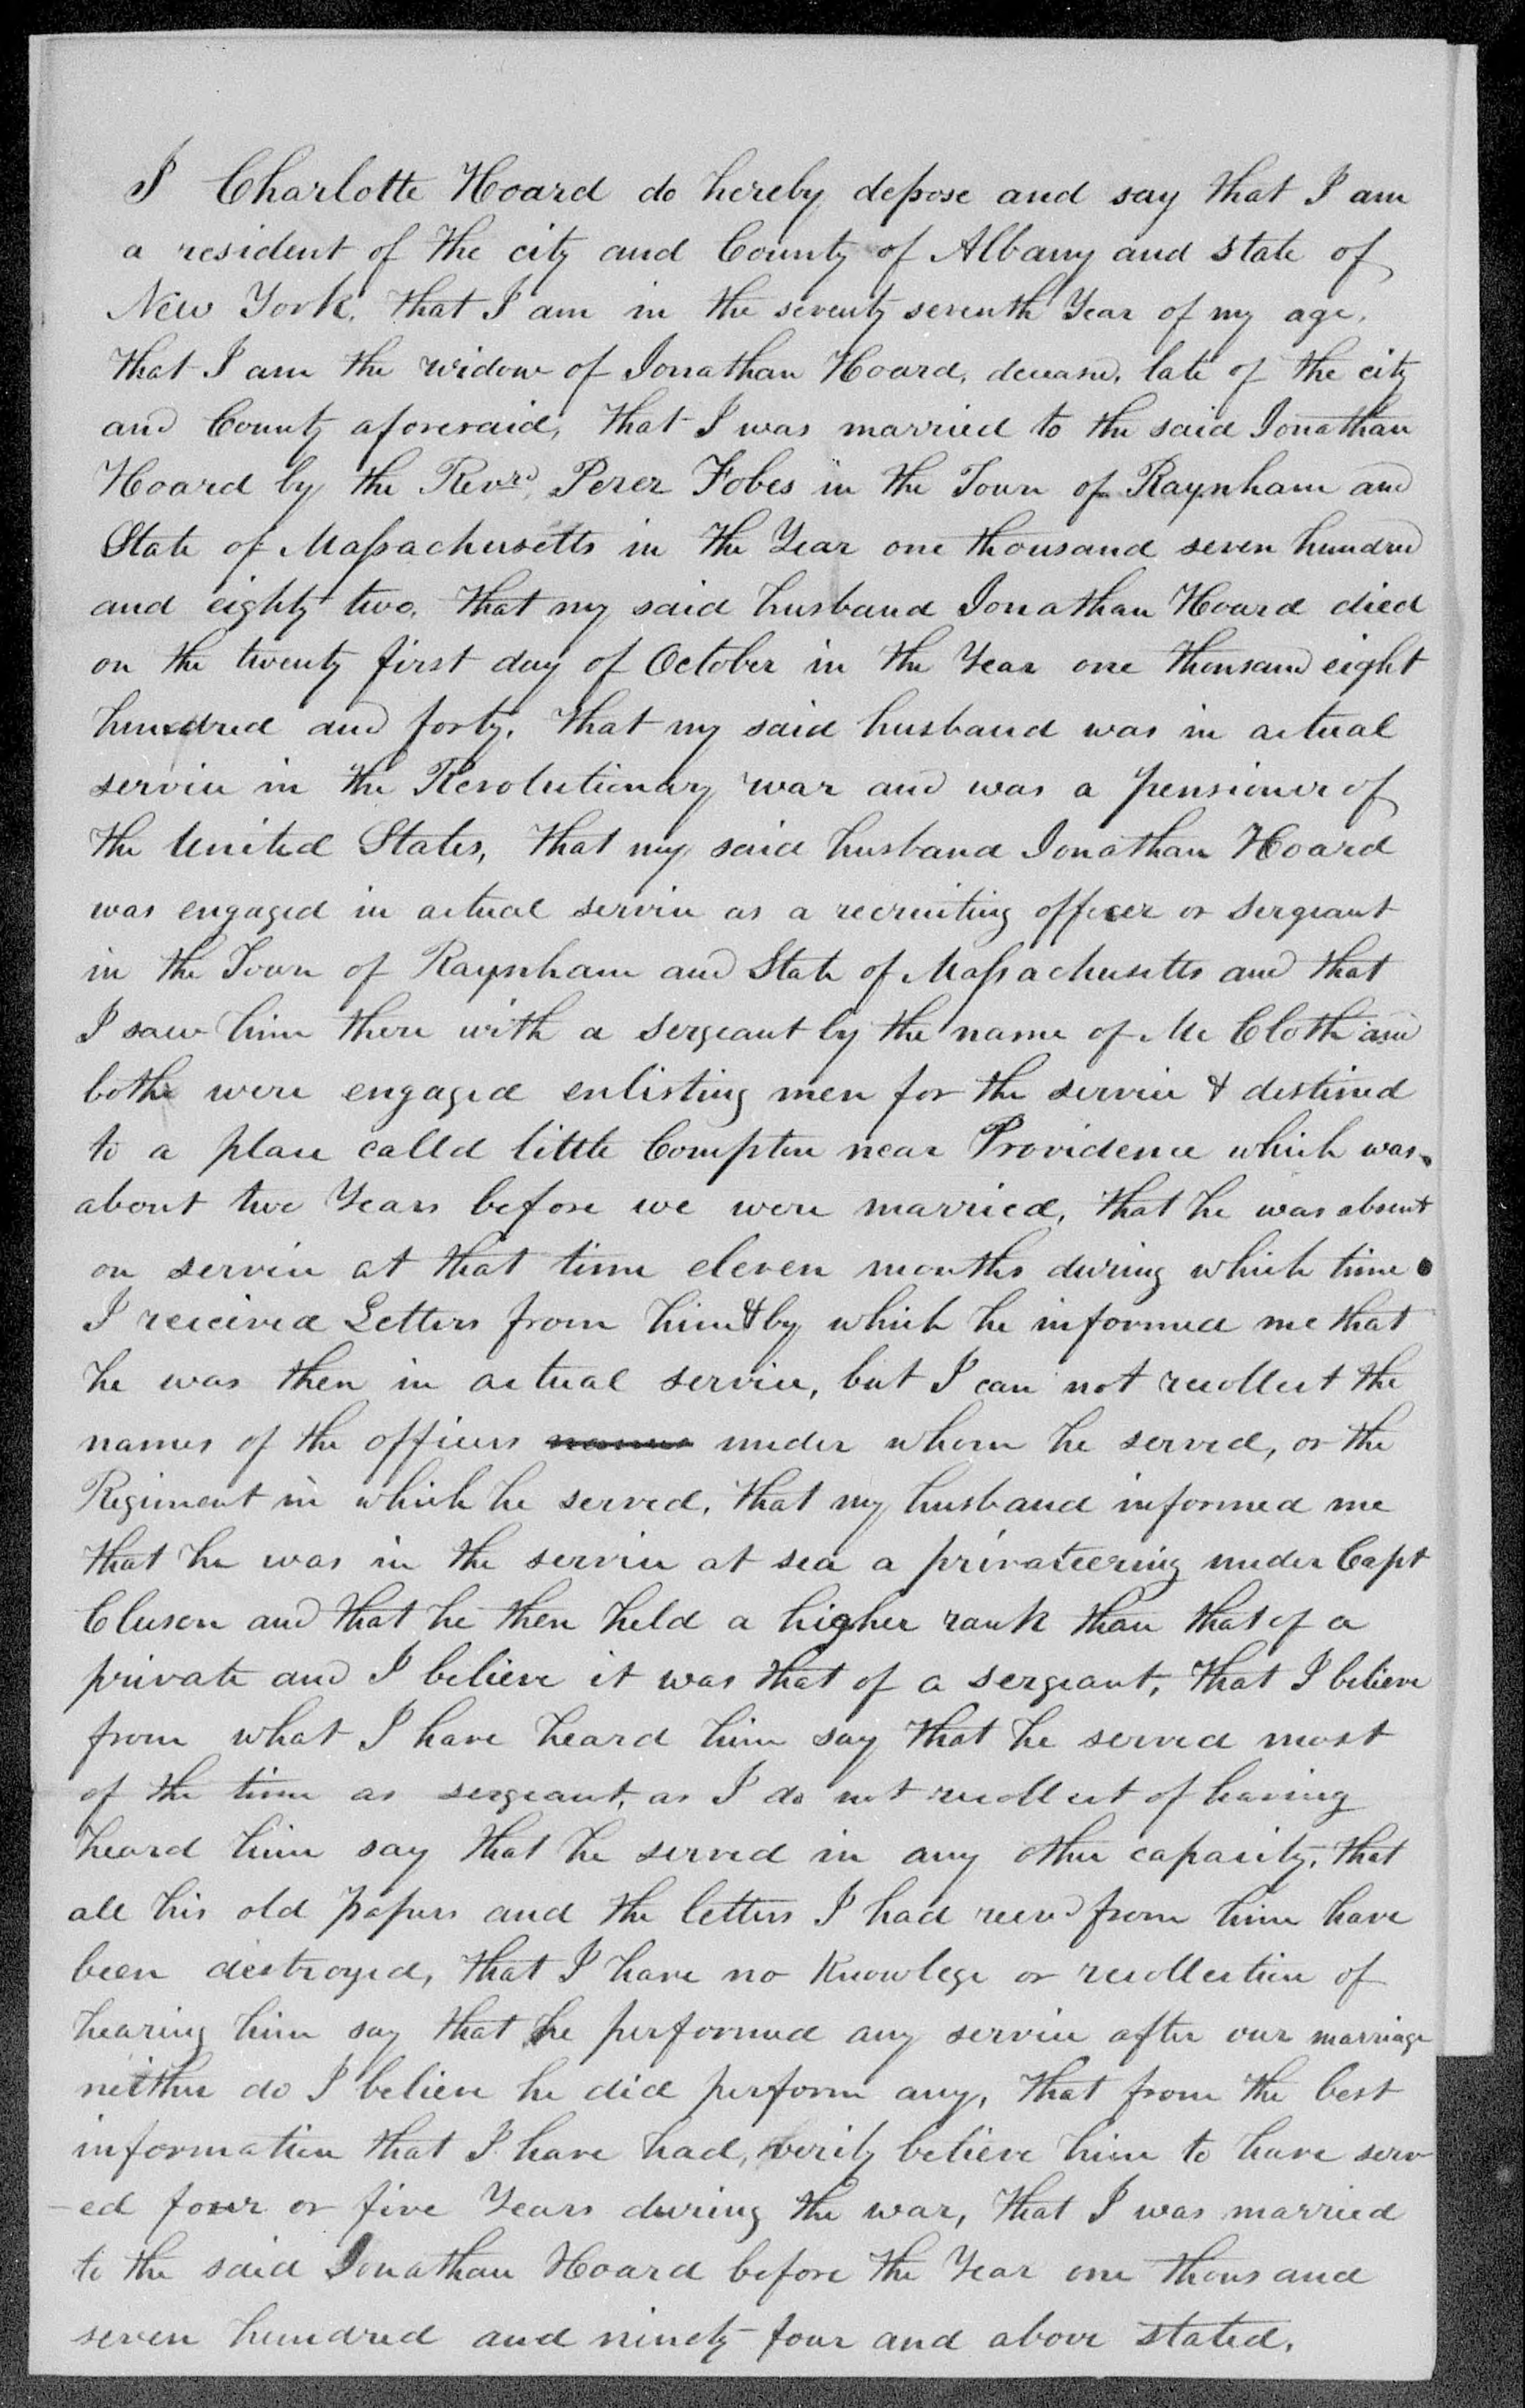I Charlotte Hoard do hereby depose and say that I am a resident of the city and County of Albany and State of New York, that I am in the seventy seventh year of my age, that I am the widow of Jonathan Hoard, deceased, late of the city and County aforesaid, That I was married to the said Jonathan Hoard by the Revd Perez Fobes in the Town of Raynham and State of Massachusetts in the year one thousand seven hundred and eighty two. That my said husband Jonathan Hoard died on the twenty first day of October in the year one thousand eight hundred and forty, that my said husband was in actual service in the Revolutionary war and was a pensioner of the United States, that my said husband Jonathan Hoard was engaged in actual service as a recruiting officer or Sergeant in the Town of Raynham and State of Massachusetts and that I saw him there with a Sergeant by the name of McCloth and both were engaged enlisting men for the service & destined to a place called little Compton near Providence which was about two years before we were married, that he was absent on service at that time eleven months during which time I received letters from him & by which he informed me that he was then in actual service, but I can not recollect the names of the officers under whom he served, or the Regiment in which he served, that my husband informed me that he was in the service at sea a privateering under Capt Clusen and that he then held a higher rank than that of a private and I believe it was that of a Sergeant, that I believe from what I have heard him say that he served most of the time as Sergeant, as I do not recollect of having heard him say that he served in any other capacity, that all his old papers and the letter I had recvd from him have been destroyed, that I have no knowlege or recollection of hearing him say that he performed any service after our marriage neither do I believe he did perform any, that from the best information that I have had, verily believe him to have served four or five years during the war, that I was married to the said Jonathan Hoard before the year one thousand seven hundred and ninety four and above stated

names: Jonathan Hoard, Perer Fobes, Cloth, Charlotte Hoard, Jonathan Hoard, Jonathan Hoard, Jonathan Hoard, Jonathan Hoard, Clusen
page: 37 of 52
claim: widow's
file: W 19755, Jonathan Hoard, Mass.